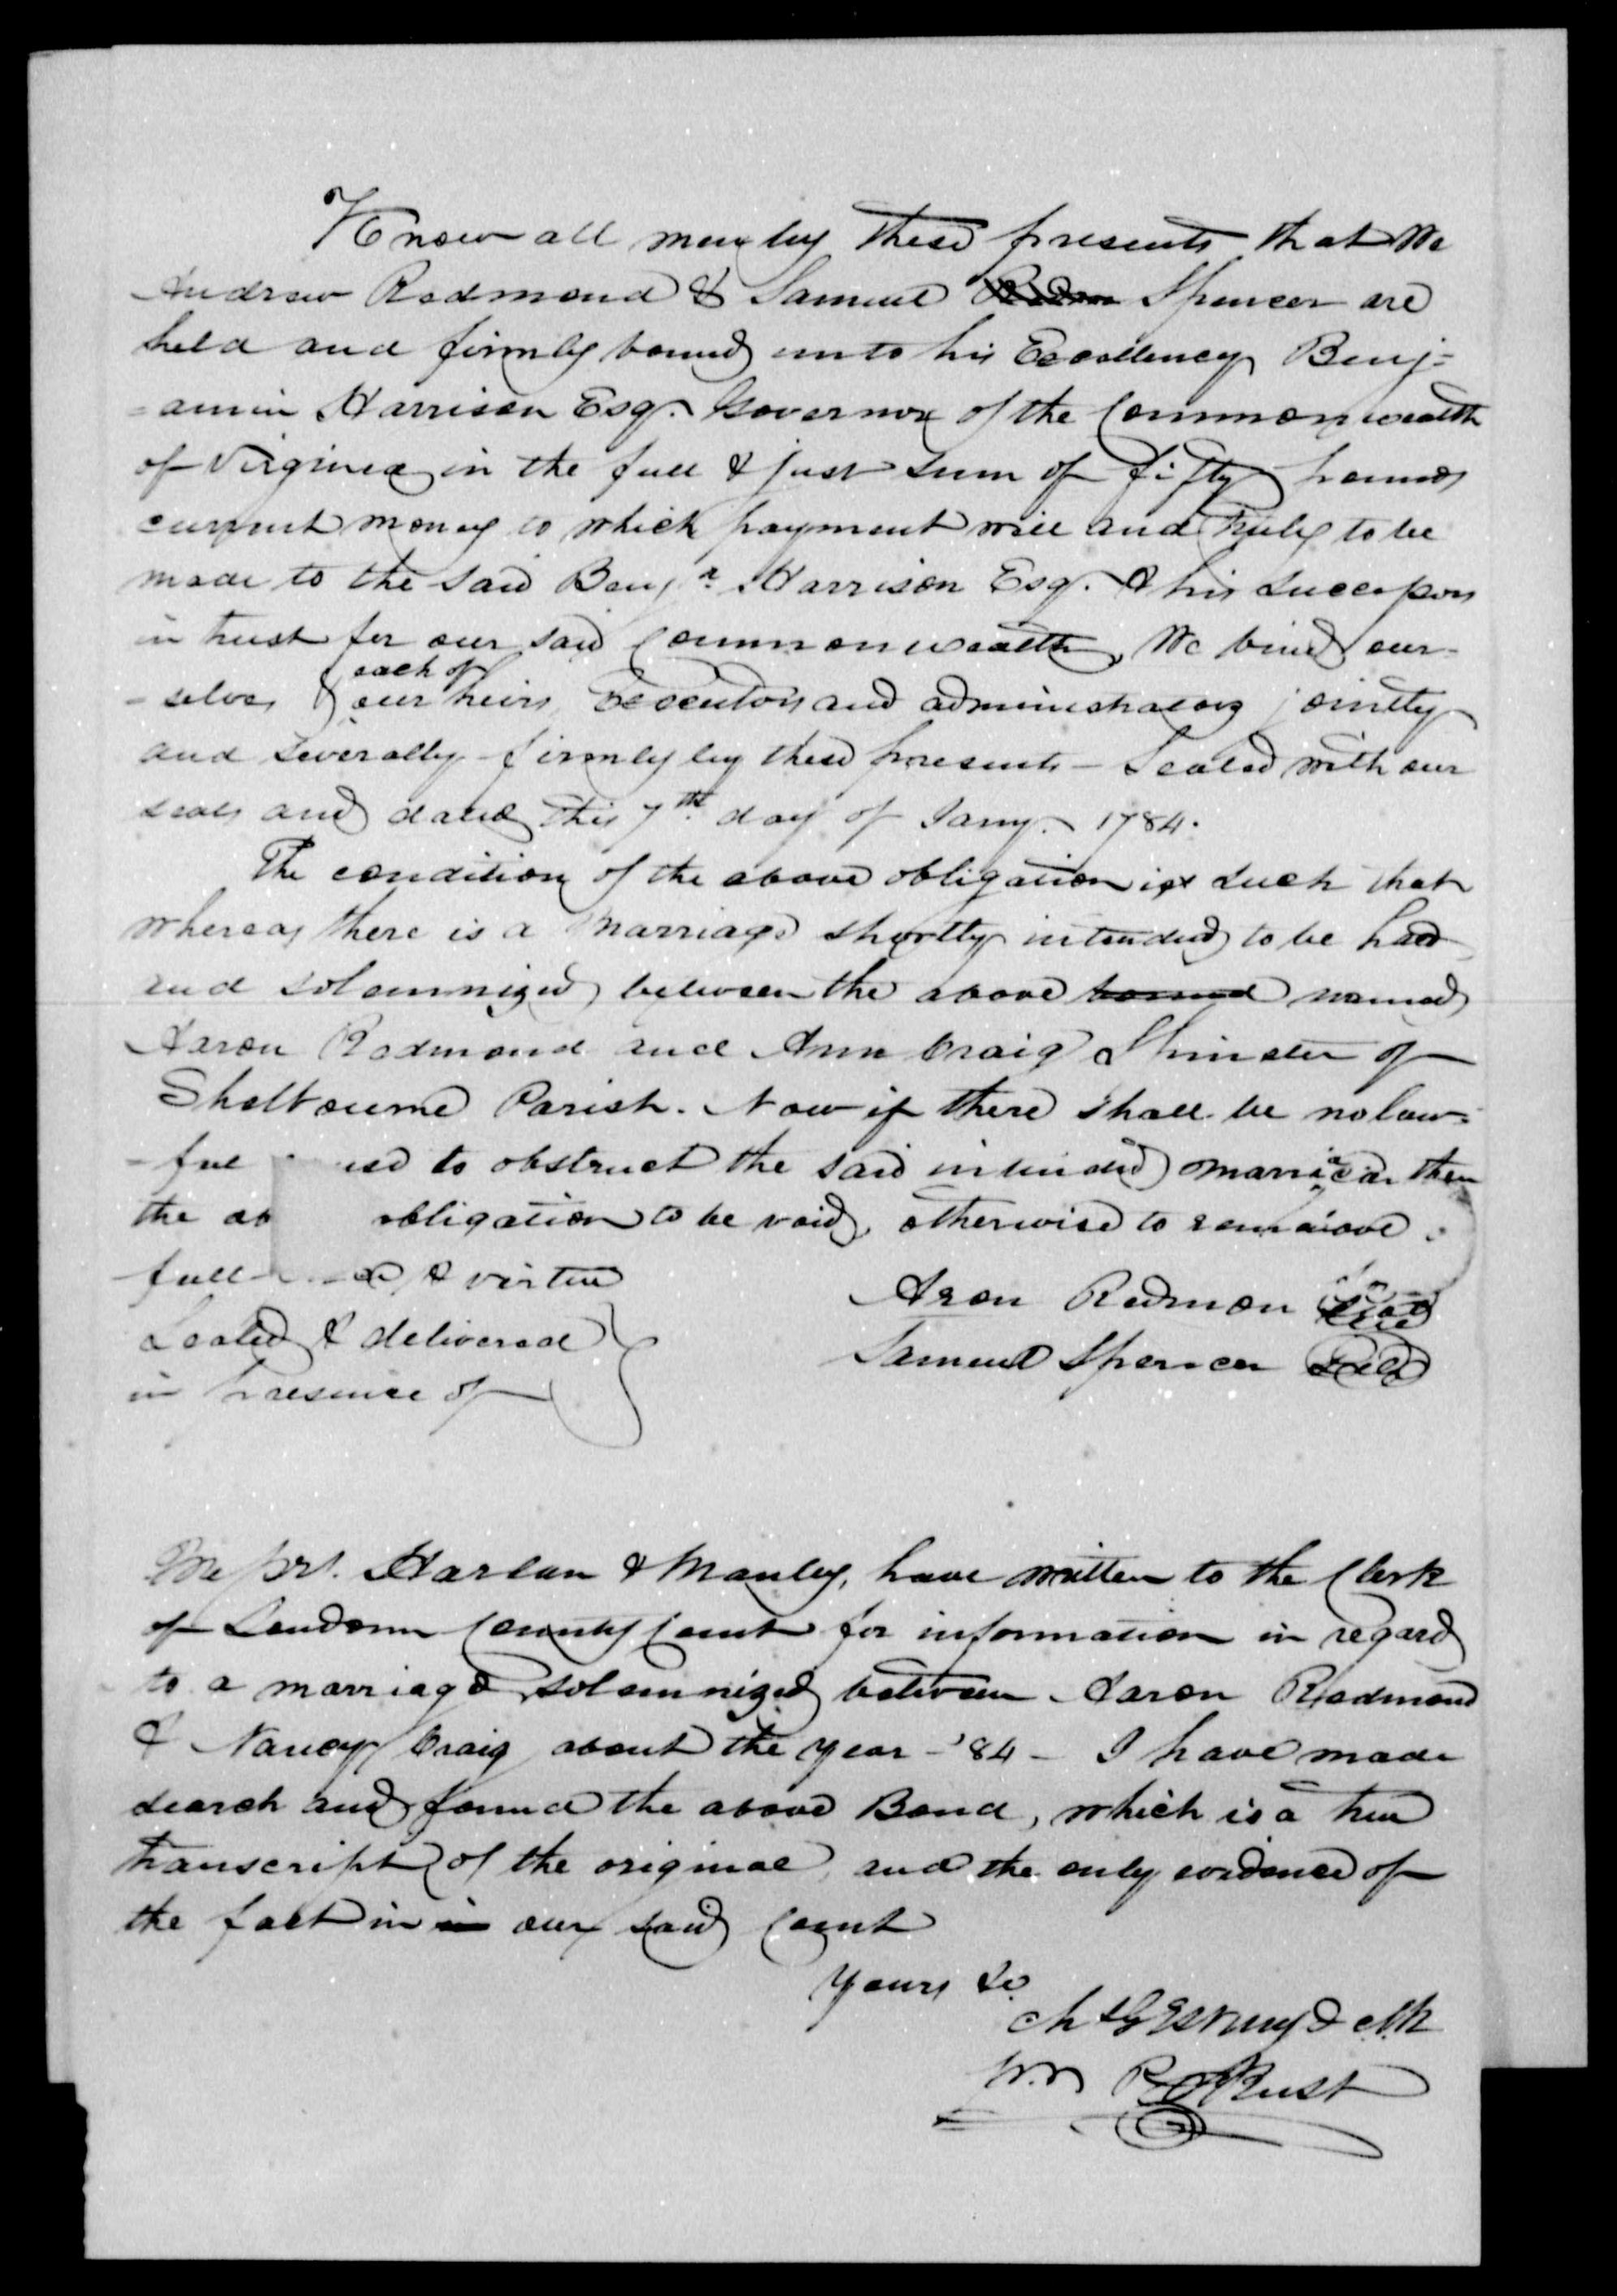Know all men by these presents that we
Andrew Redmond [sic] & Samuel [name crossed out, illegible] Spencer are
held and firmly bound unto his Excellency Benjamin
Harrison Esq Governor of the Commonwealth
of Virginia in the full & just sum of fifty pouds
current money to which payment will and truly to be
made to the said Benj Harrison Esq. & his successors
in trust for our said Commonwealth. We bind ourselves
& [inserted: each of] our heirs Executors and administrators jointly
and severally firmly by these presents. Sealed with our
seal and and this 7th day of Jany 1784.
the condition of the above obligation is such that
whereas there is a marriage shortly intended to be had
and solemnized between the above named
Aaron Rodmand [sic] and Ann Craig Spinster of
Shelbourne Parish. Now if there shall be no lawful
[illegible] to obstruct the said intended marriage then
the [illegible] obligation to be void otherwise to [illegible]
full [illegible] & virtue
Sealed & delivered
in presence of
Aron Redmon
Samuel Spencer

We prt. Harlan & Manley, have written to the Clerk
of London County Court for information in regard
to a marriage solemnized between Aaron Redmond
& Nancy Craig about the year -'44 - I have made
search and found the above Bond, which is a true
transcript of the original, and the only evidence of
the fact in in our said Court
Yours &c
[illegible]
Wm. Rust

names: Aaron Redmond; Aaron Redmond; Andrew Redmond; Chs G Eskingd; Samuel Spencer; Aron Redmon; R Rust; Benjn Harrison; [BLANK] Manley; [BLANK] Harlan; Benjamin Harrison; Ann Craig; Samuel Spencer; Nancy Craig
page: 41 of 57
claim: widow's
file: W. 9,622, for Aaron Redman, Virginia